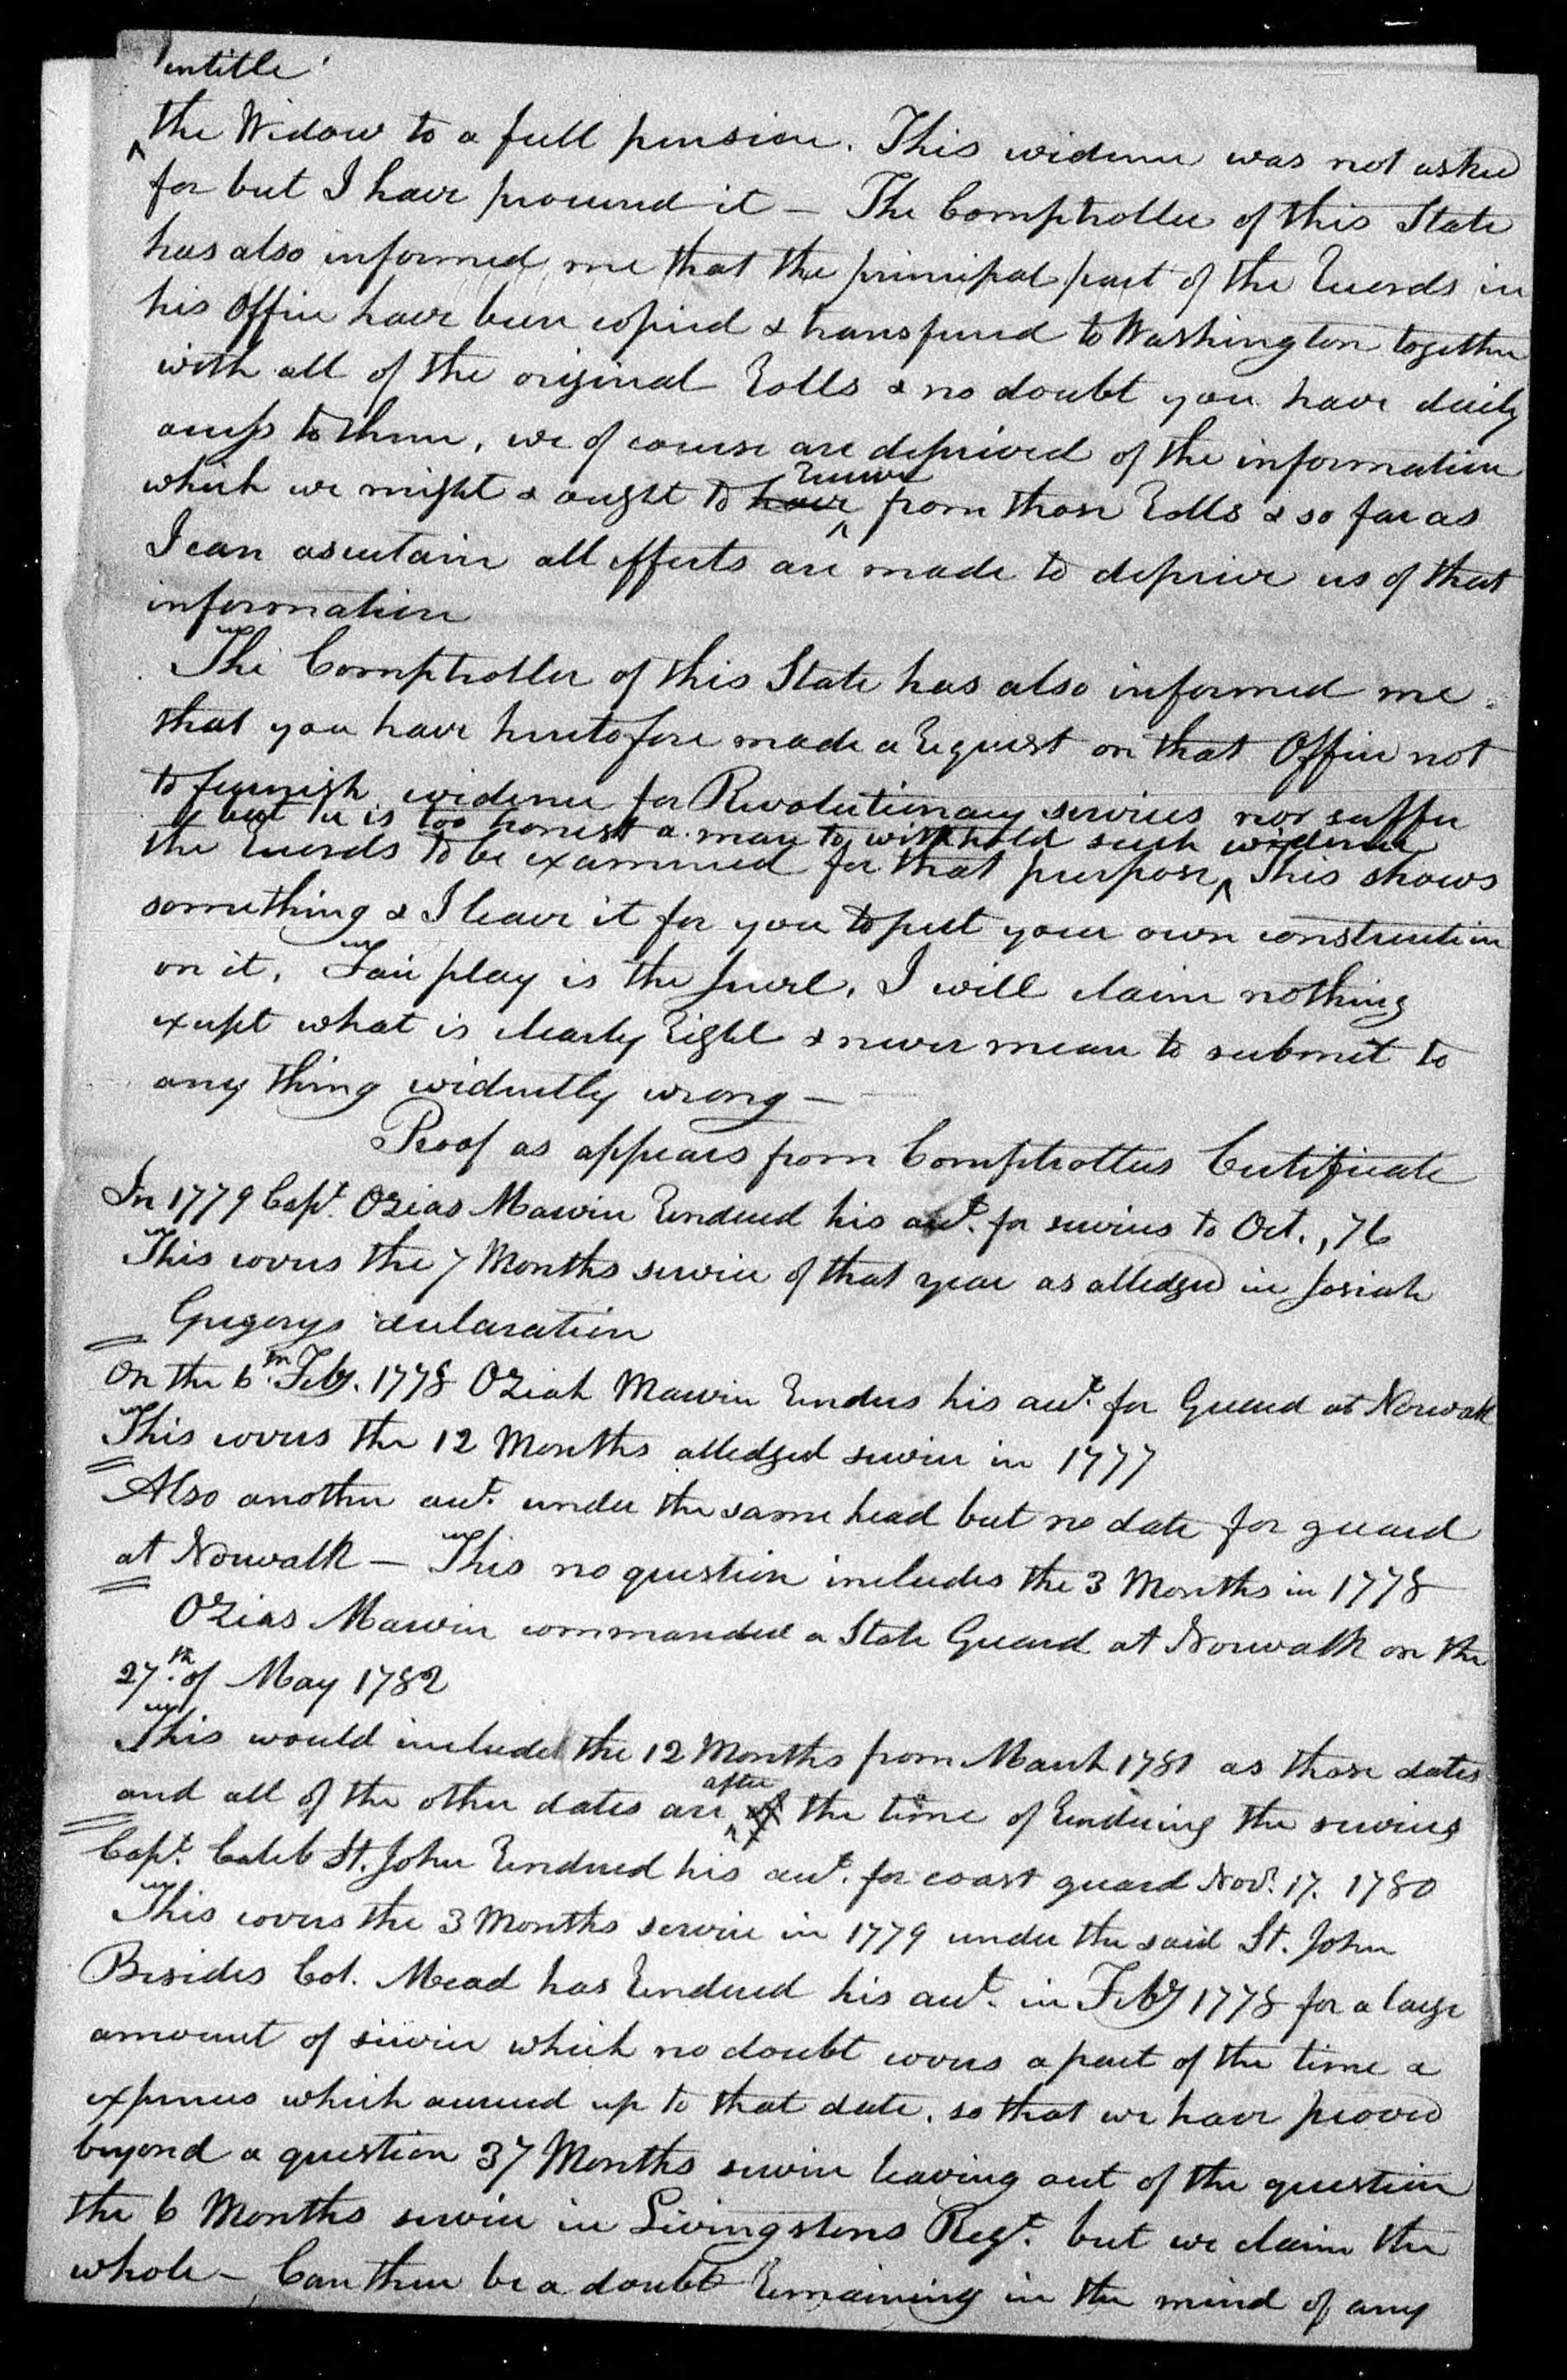entitle the Widow to a full pension.  This widow was not asked for but I have procured it - The Comptroller of this State has also informed me that the principal part of the Records in his office have been copied & transferred to Washington together with all of the original Rolls & no doubt you have daily access to them, we of course are deprived of the information which we might & ought to receive from those Rolls & so far as I can ascertain all efforts are made to deprive us of that information
  The Comptroller of this State has also informed me that you have heretofore made a Request on that Office not to furnish evidence for Revolutionary services nor suffer the words to be examined for that purpose [next eleven words inserted] but it is too honest a way to withhold such [illegible]    This shows something & & I leave it for you to put your own instructions on it.  Fair play is the [illegible]. I will claim nothing except what is clearly Right & never mean to submit to anything evidently wrong -
          Proof as appears from Comptrollers Certificate   In 1779 Capt. Ozias Marvin rendered his acct. for services to Oct. '76  This was the 7 Months service of that year as alledged [sic]  in Josiah Gregorys declaration
_____
 On the 6th Feby. 1778 Ozias Marvin renders his acct. for Guard at Norwalk  This was the 12 Months alledged service in 1777
_____  Also another acct. under the same head but no date for giard at Norwalk - This no question includes the 3 Months in 1778
_____
Ozias Marvin commanded a State Guard at Norwalk on the 27th of May 1782
This would include the 12 Months from March 1781 as those dates and all the other dates are the time rendering the services
_____
Capt. Caleb St. John rendered his acct. for coast guard Novr. 17, 1780
This covers the 3 Months service in 1779 under the said St. John  Besides Col. Mead has rendered his acct. in Feby 1778 for a large amount of service which no doubt covers a part of the time & expenses which accrued up to that date, so that we have proved beyond a question 37 Months service leaving out of the question the 6 Months service in Livingstons Regt. but we claim the whole - Can there be a doubt remaining in the mind of any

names: St John, Ozias Marvin, Josiah Gregory, Ozias Marvin, Mead, Caleb St John, Oziah Marvin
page: 39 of 49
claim: widow's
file: W 24308, Josiah Gregory, Conn.